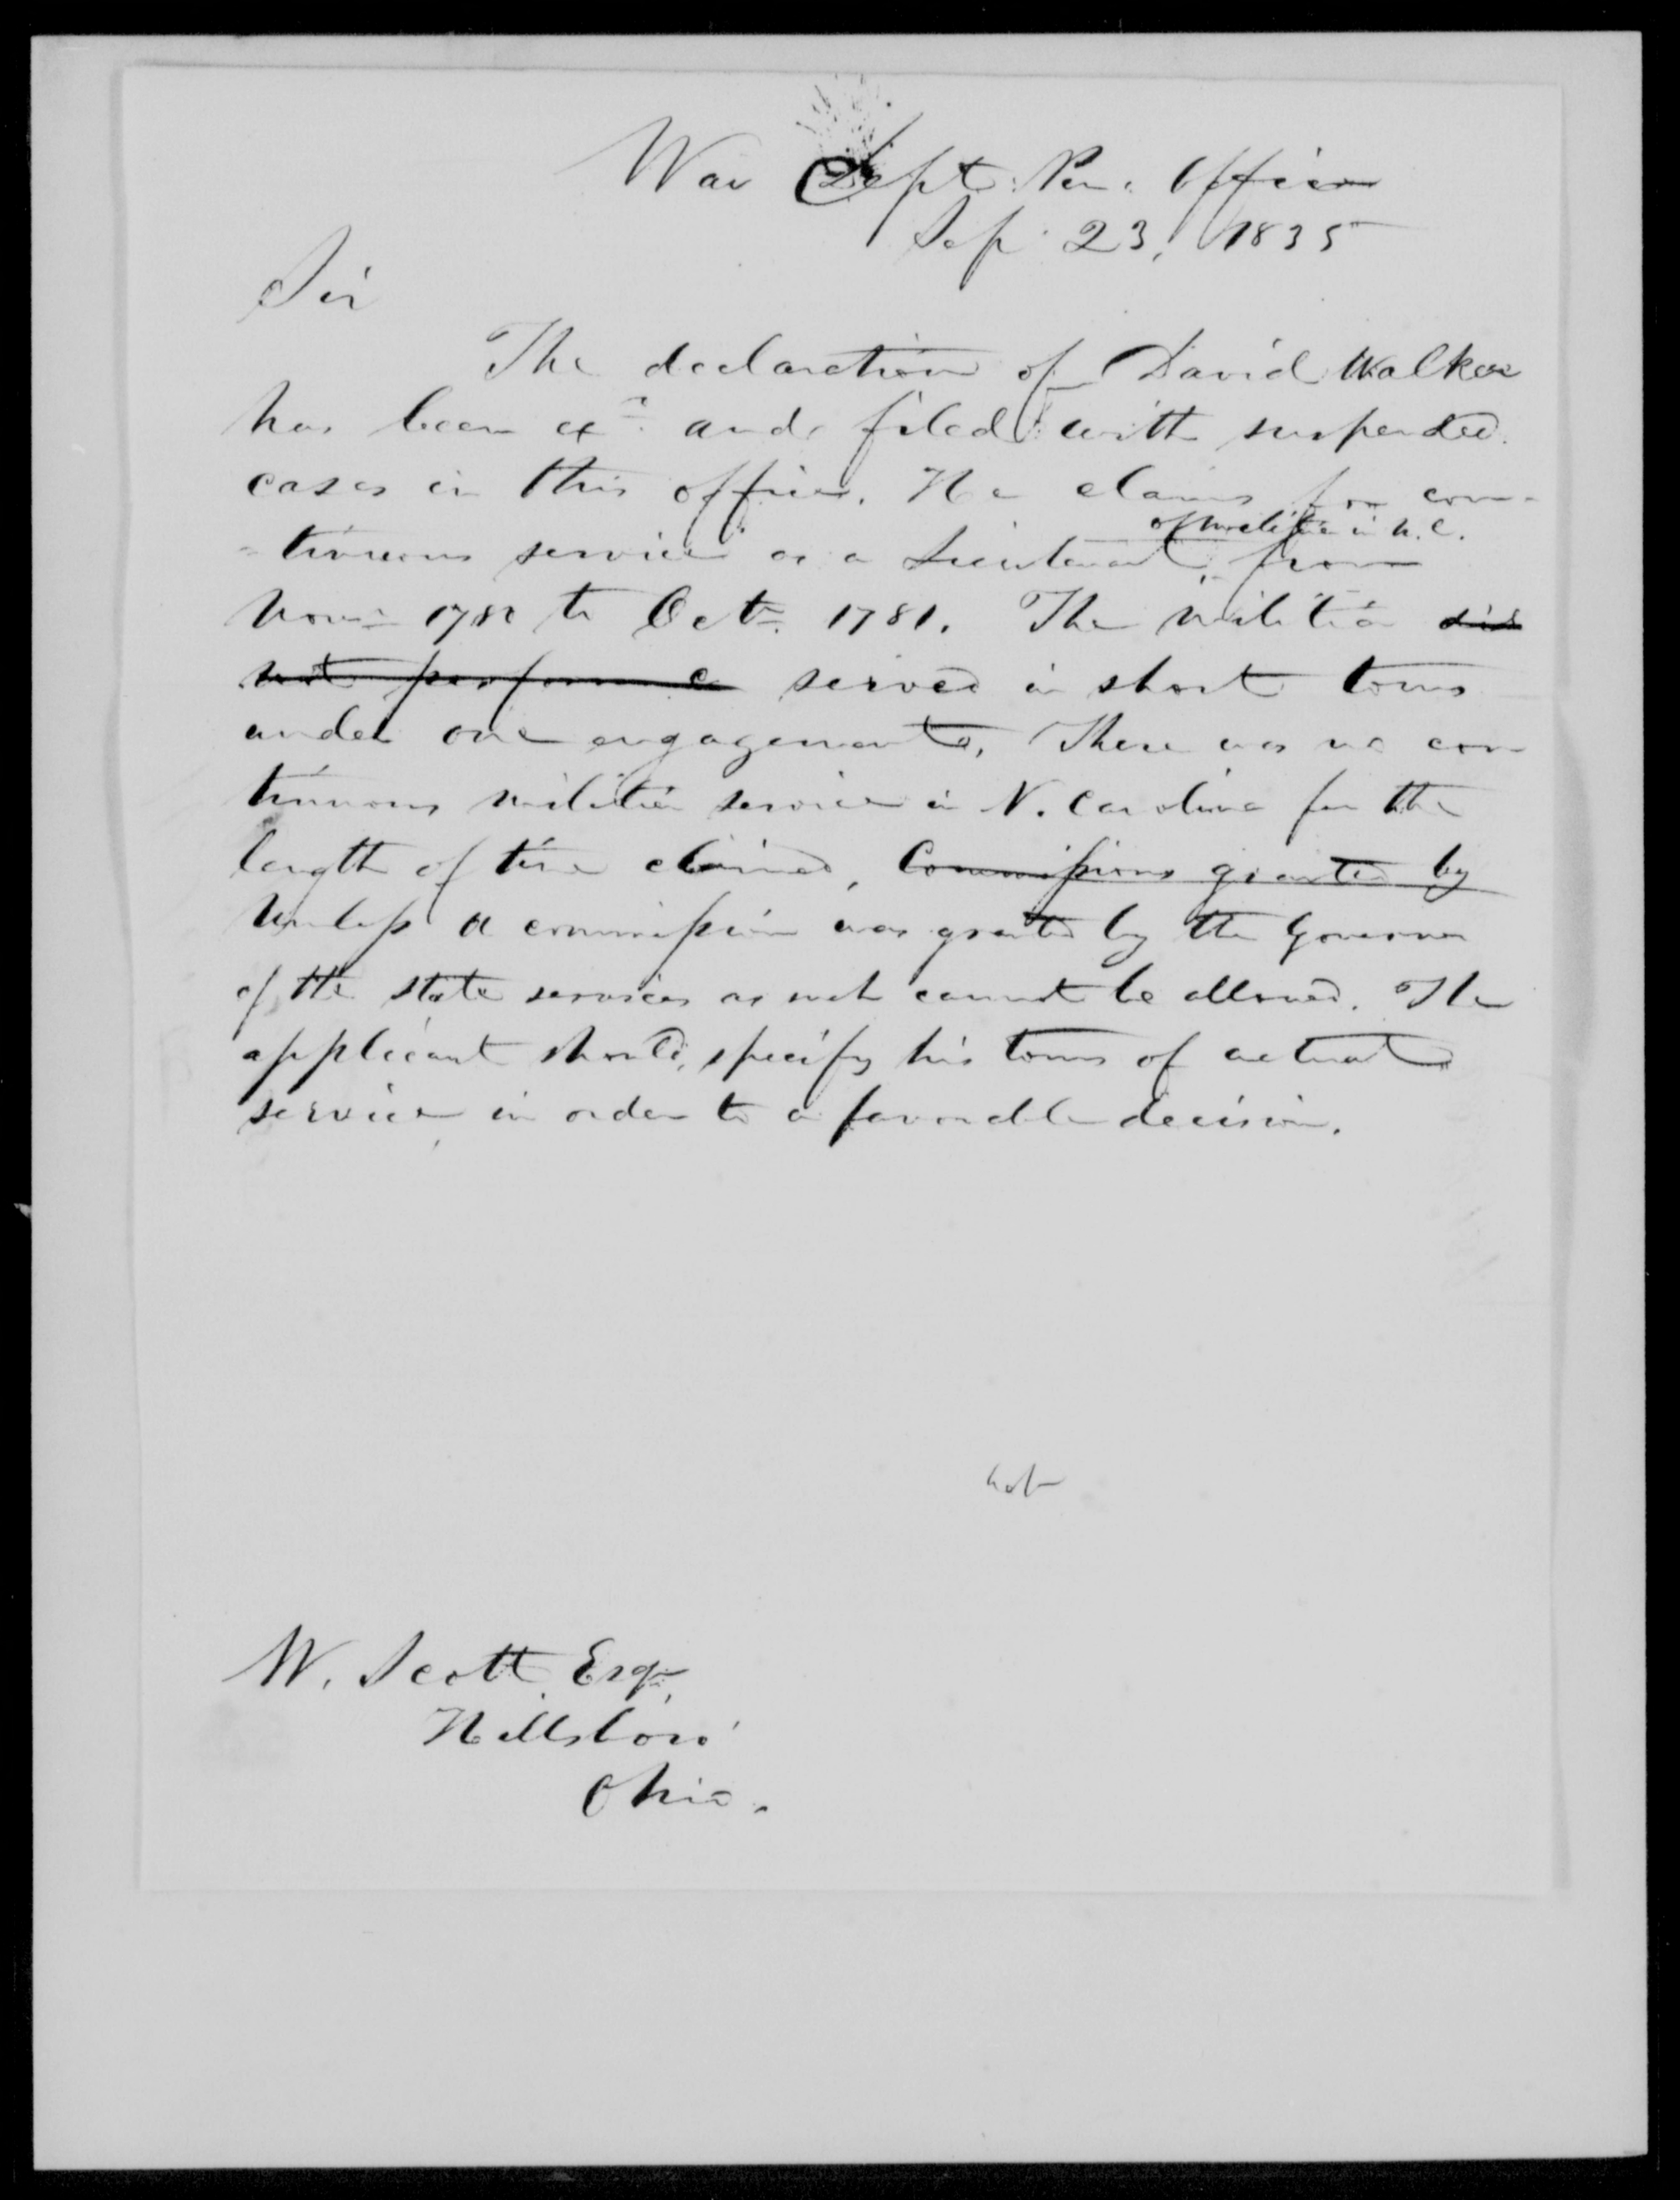War Department, Pension Office
Sept. 23, 1835
Sir:
The declaration of David Walker has been ex and filed with suspended cases in this office. He claims continuous service as a Lieutenant [of NC Militia from November 1780 to October 1781]. The militia served in short tours under one engagement. There was no continuous militia service in North Carolina for the length of time claimed, Commission granted by unless a commission was granted by the Governor of the State services as wit cannot be allowed. The applicant should specify his tour of actual service in order to a favorable decision.
William Scott, Esq.
Hillsborough
Ohio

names: W Scott, David Walker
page: 30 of 37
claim: rejected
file: R. 11047, David Walker, N.C.